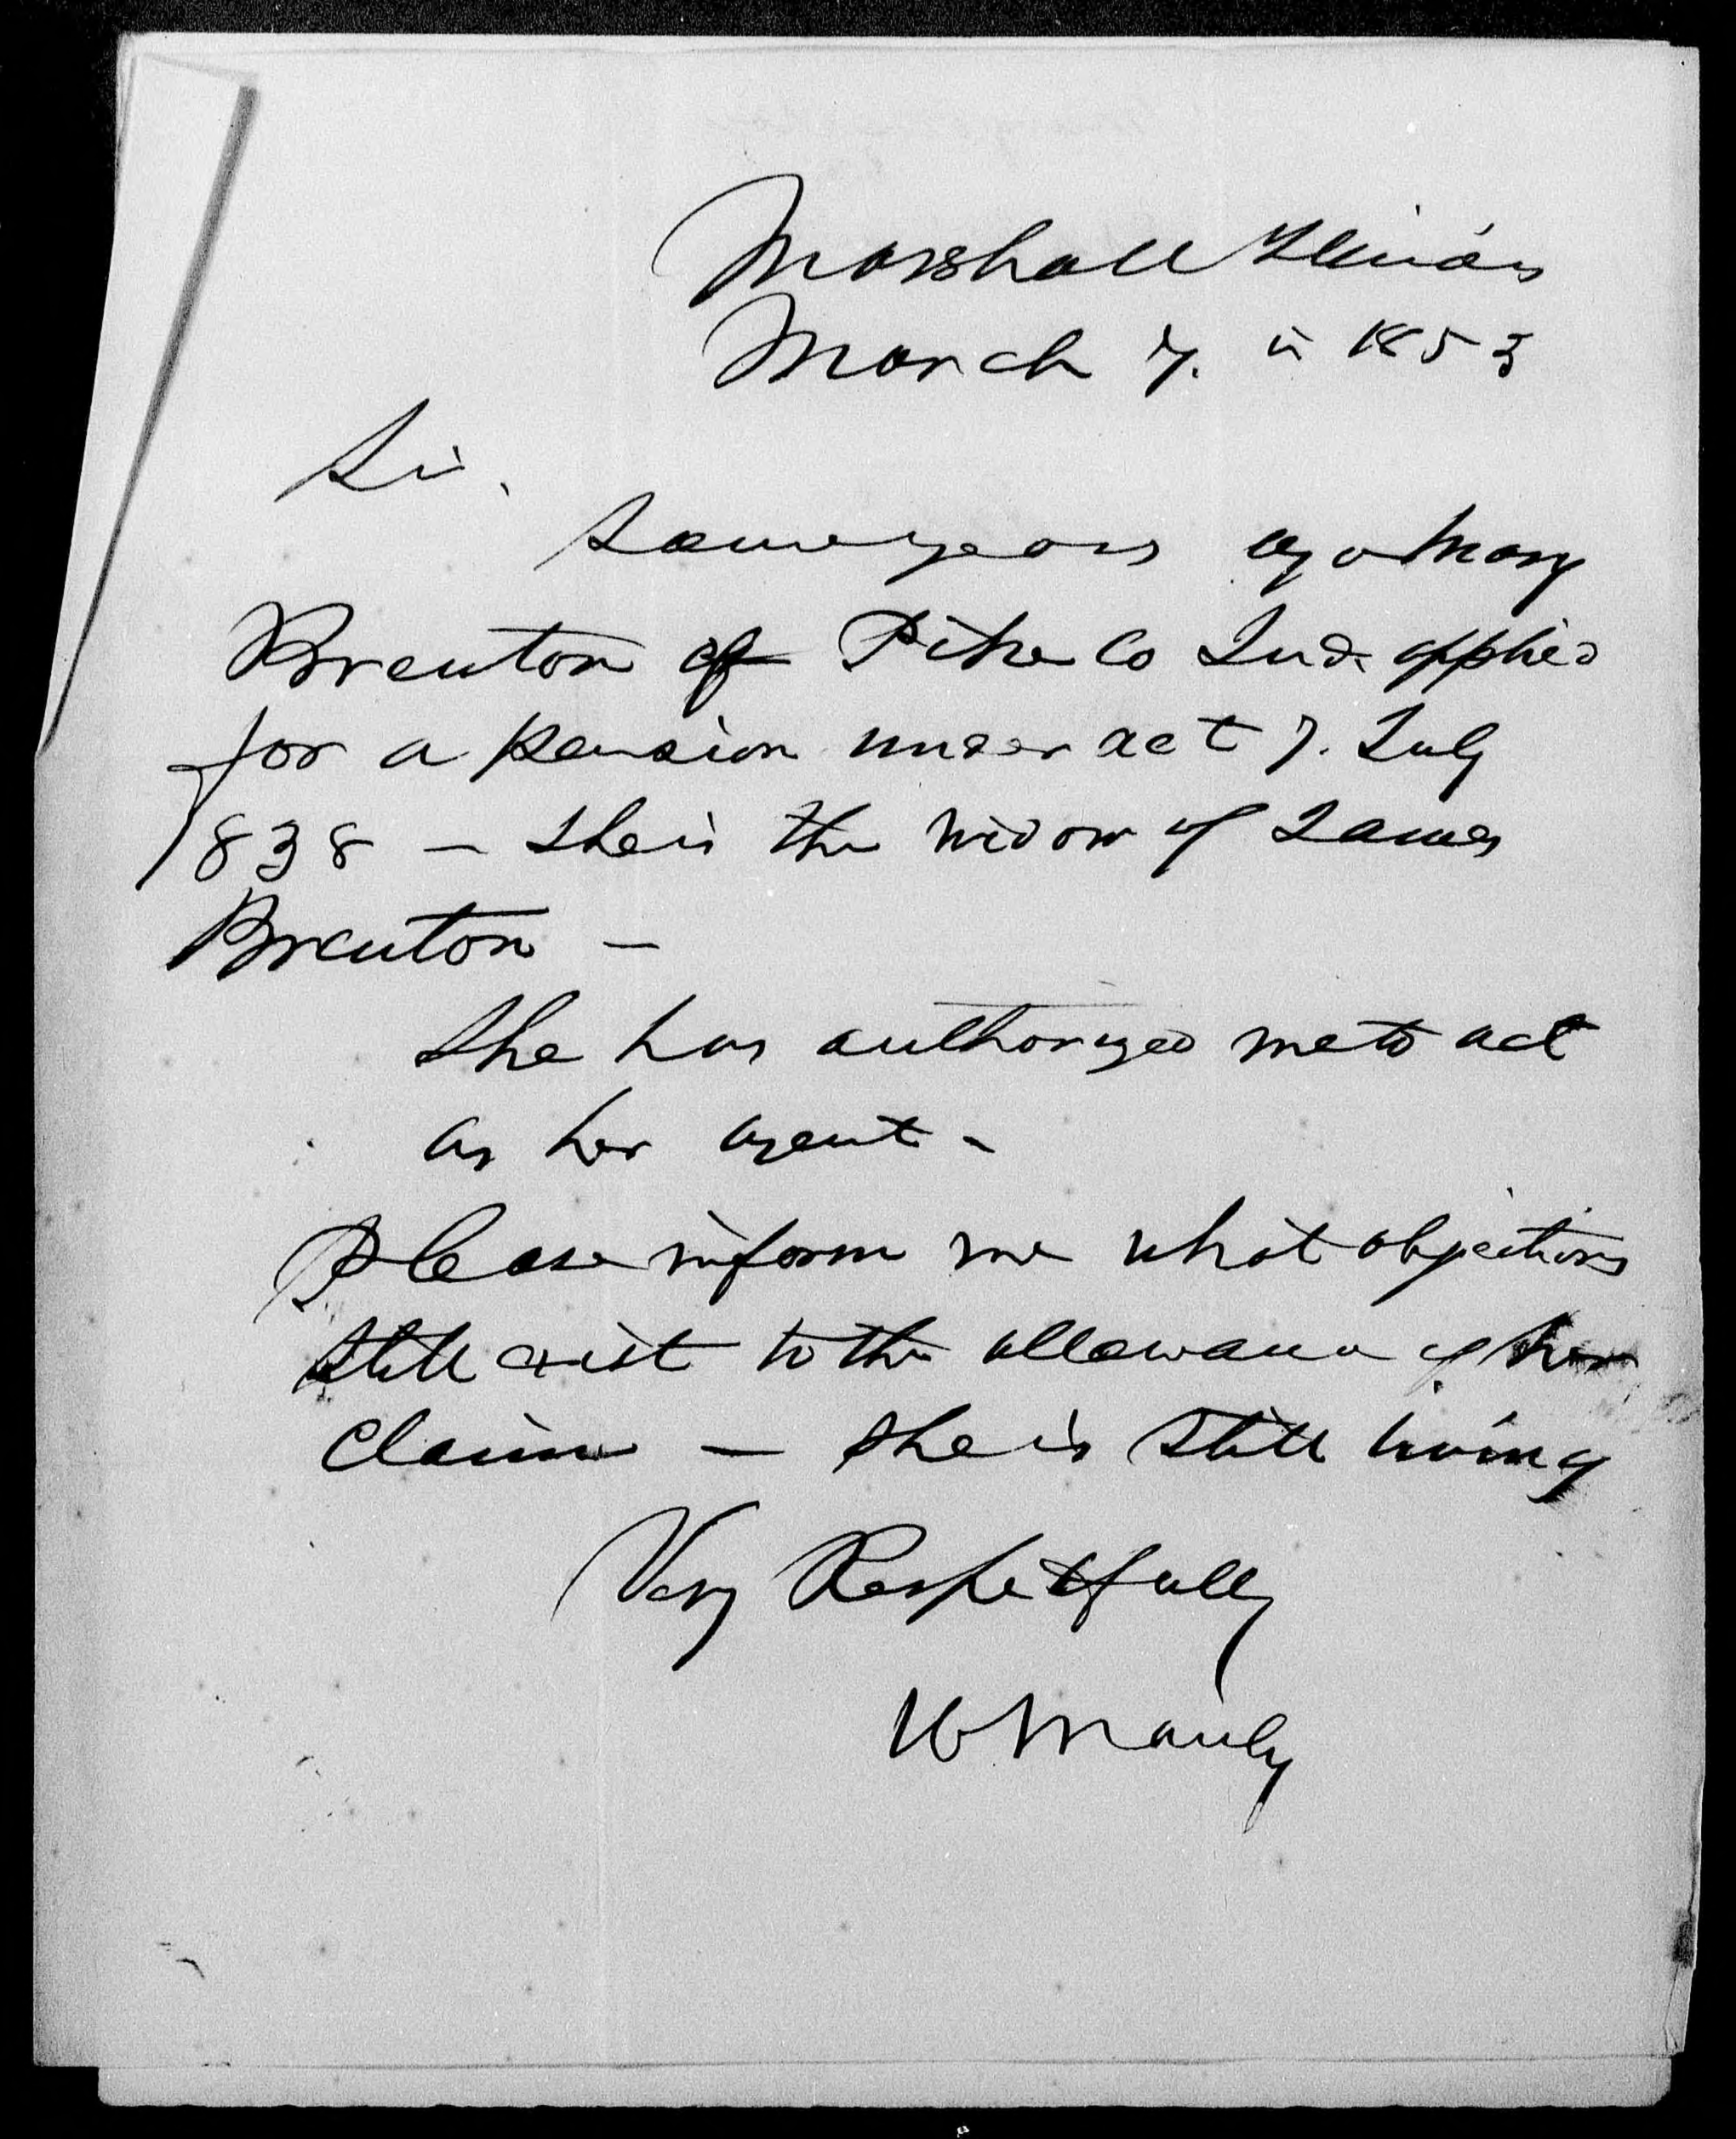Marshall Illinois 
March 7, 1853
Sir, 
[illegible] of Mary Brenton of Pike Co Ind applic. for a pension under Act 7 July 1838 -- she's the widow of James Brenton--
She has authorized me to act as her agent.
Please inform me what objectives state [illegible] to the allowance of her claim. She's still living
Very Respectfully
W Manly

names: W Manly, James Brenton, Mary Brenton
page: 21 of 49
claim: widow's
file: W. 2518, James Brenton, Va.